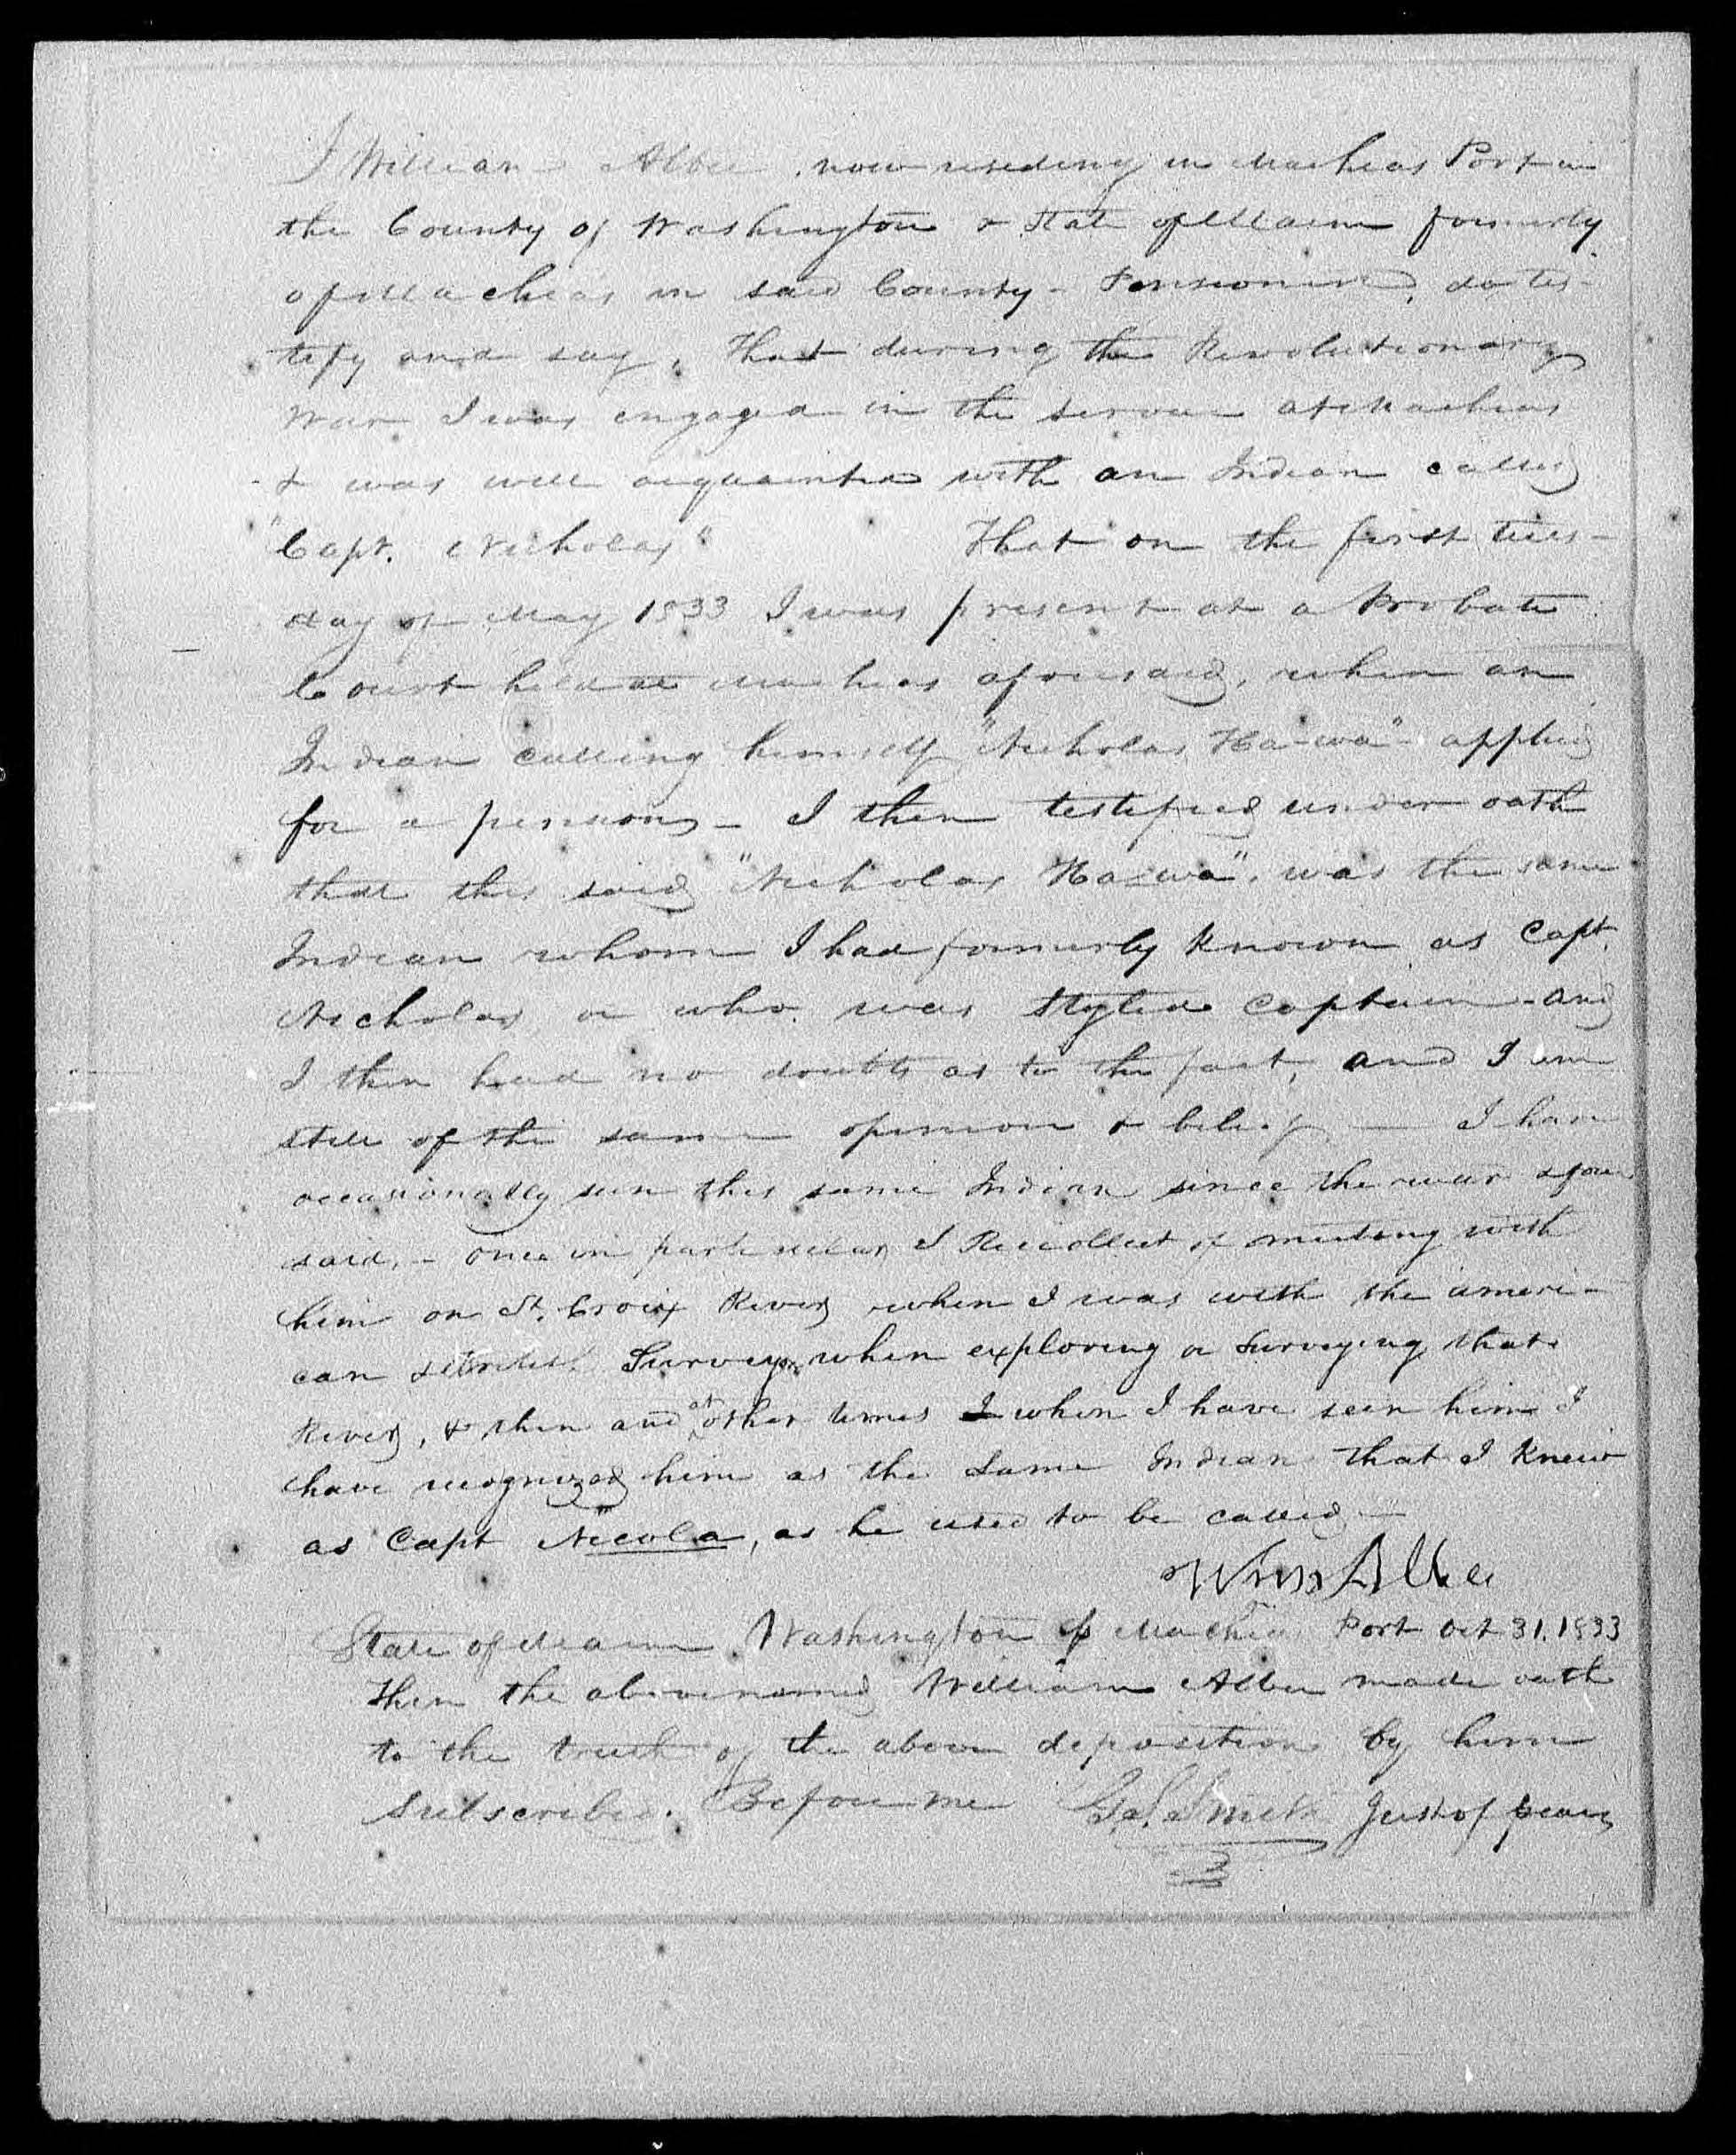I William Albee, now residing in Machias Port in
the County of Washington & State of Maine formerly
of Machias in said County - foresworn, do tes-
tify and say, That during the Revolutionary
War I was engaged in the service at Machias
& was well acquainted with an Indian called
Capt. Nicholas That on the first tues-
day of May 1833 I was present at a probate
Court held at Machias aforesaid, when an
Indian calling himself "Nicholas Ha-wa-" applied
for a pension – I then testified under oath
that this said "Nicholas Ha-wa", was the same
Indian whom I had formerly known as Capt.
Nicholas or who was Styled captain - and
I then had no doubts as to the fact, and I am
still of the same opinion & belief. — I have
occassionally seen the same Indian since the war afore
said, – once in particular I Recollect of meeting with him on St. Croix River when I was with the ameri-
can [illegible] Surveyor when exploring or surveying that
River, & then and at other times [crossed out: I] when I have seen him I
have recognized him as the Same Indian that I knew
as Capt Nicola, as he used to be called —
Wm Albee

State of Maine Washington [of?] Machias Port Oct 31, 1833
Then the above named William Albee made oath
to the truth of the above deposition by him
subscribed Before me Gal. Smith Just of peace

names: William Allen, Nicholas, Nicholas Hawa, Nicholas Hawa, Nicola, Wm Allen, Nicholas, G S Smith, William Allen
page: 25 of 52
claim: survivor's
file: S 17997, Nicholas Hawwawas, Mass.